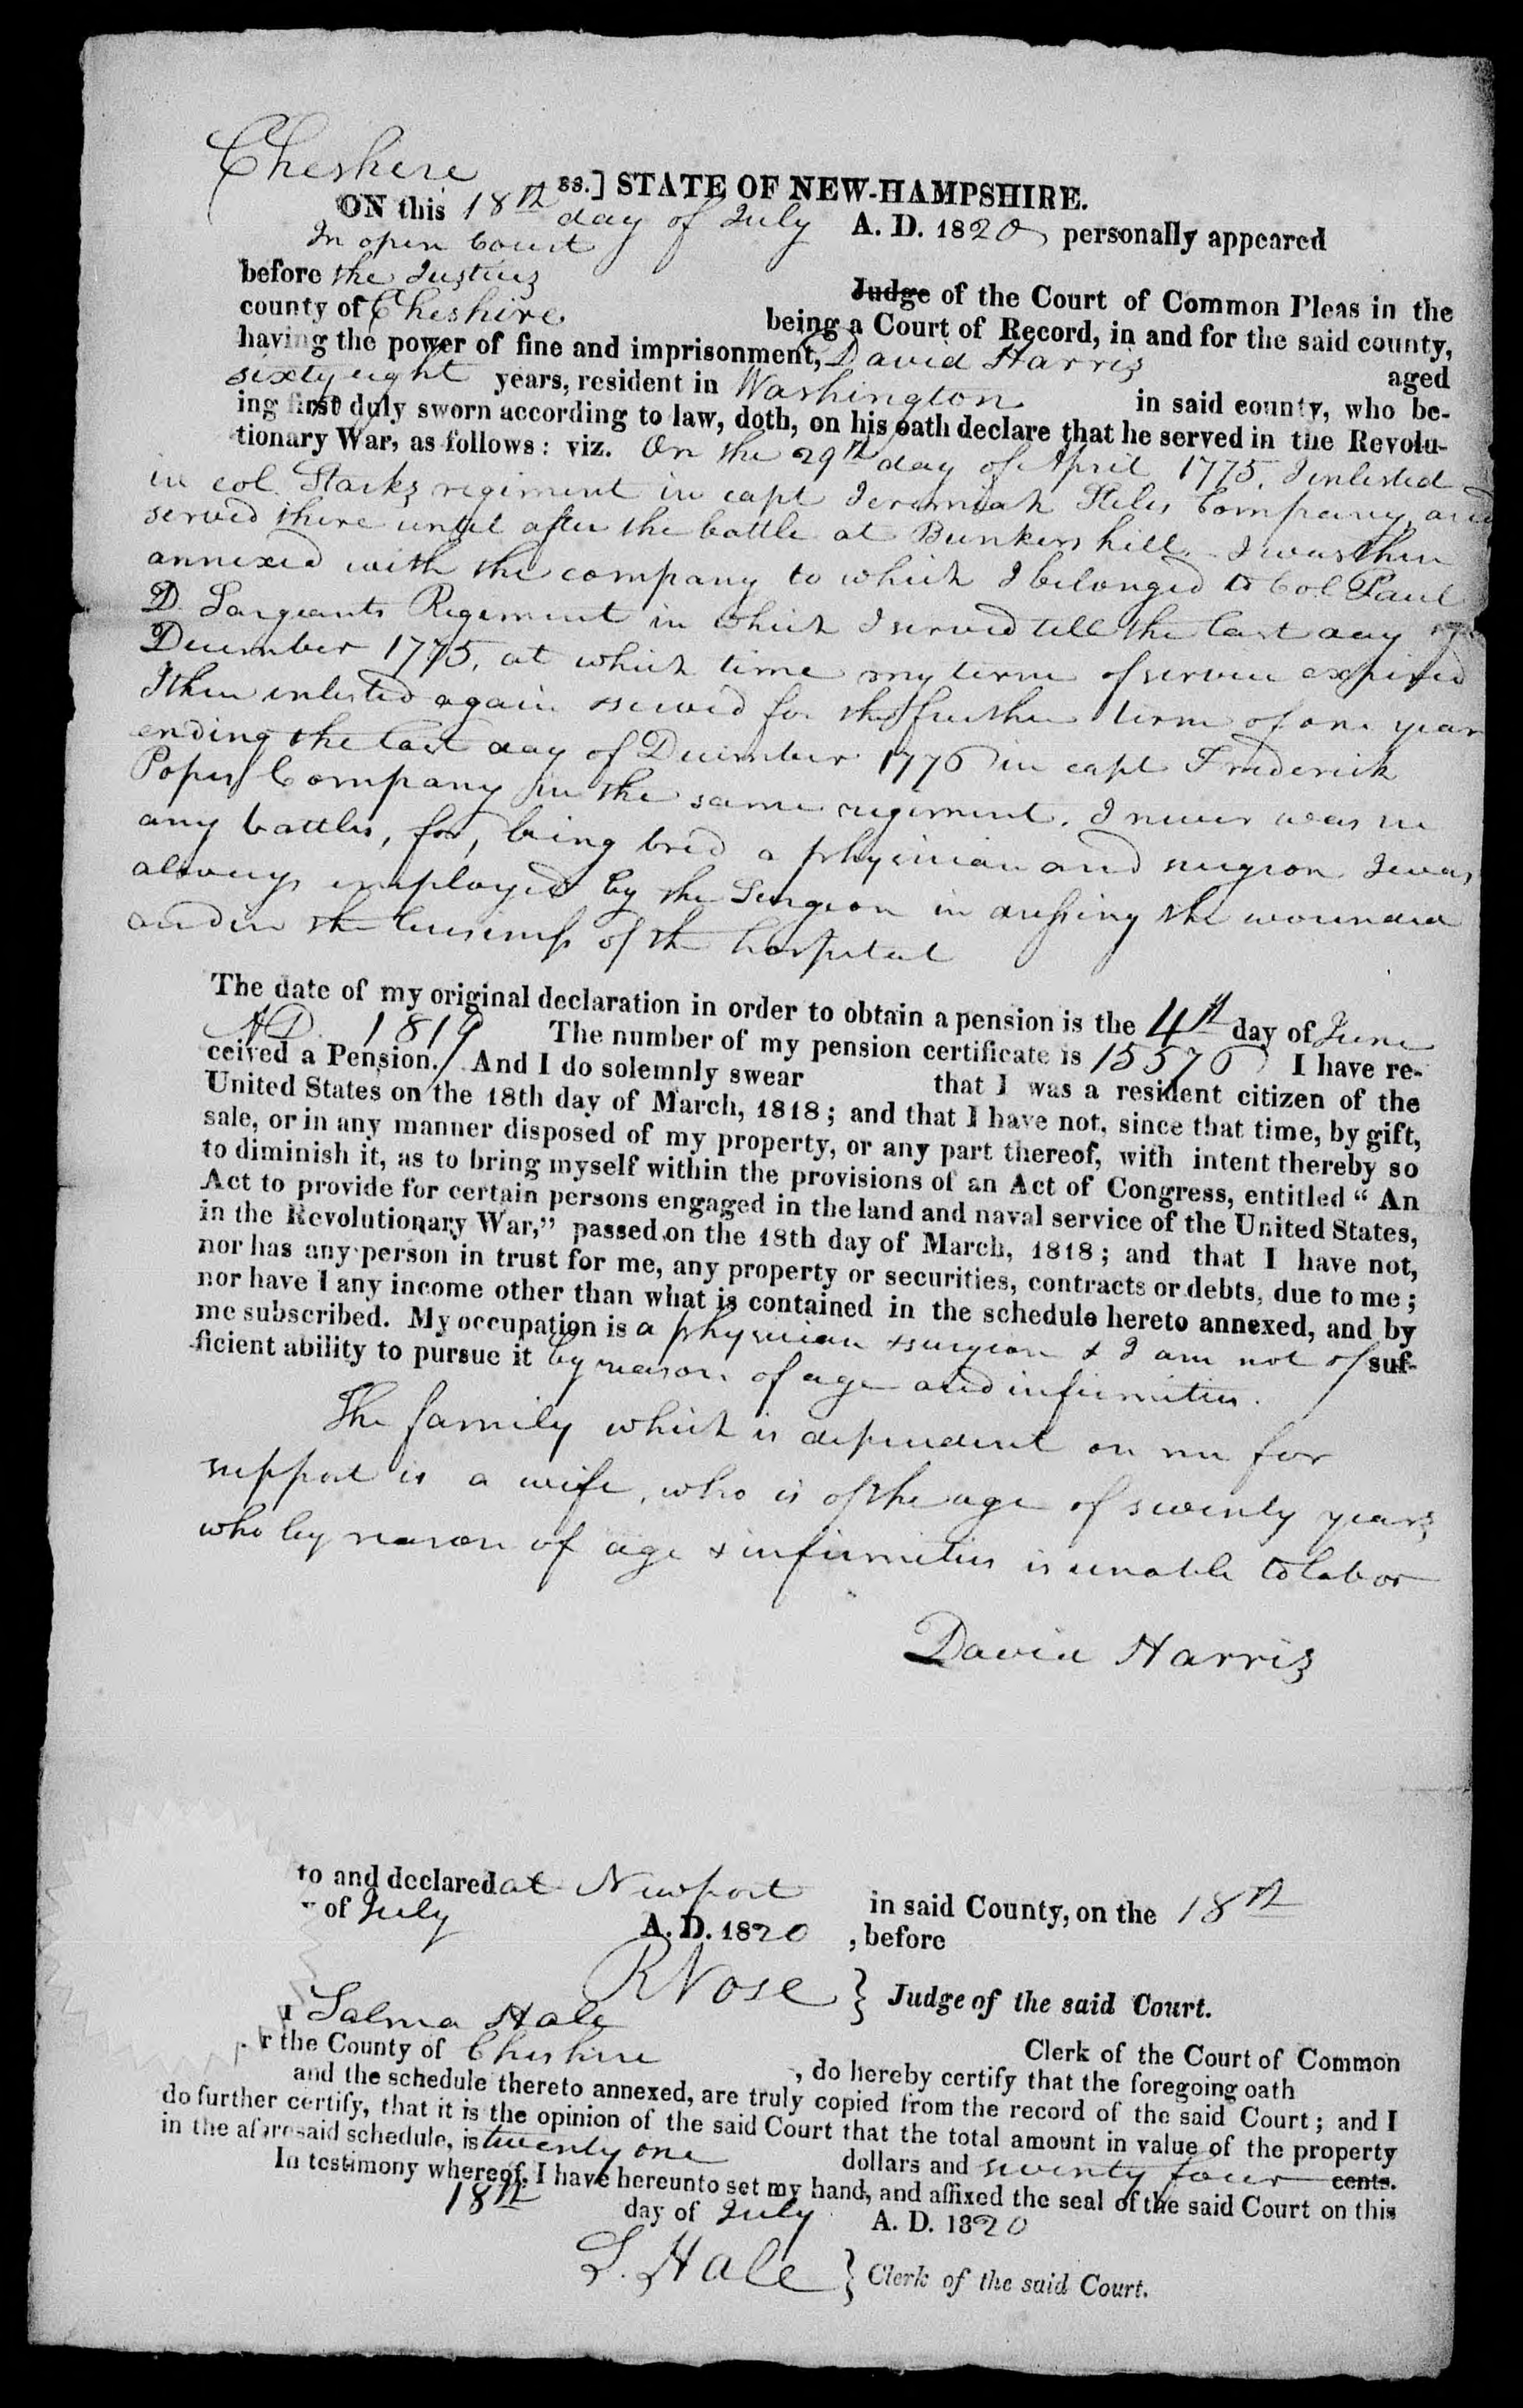Cheshire 88.] STATE OF NEW HAMPSHIRE.
On this 18th day of July A.D. 1820, personally appeared in open court
before the Justices of the Court of Common Pleas in the county of Cheshire being a Court of Record, in and for the said county, having the power of fine and imprisonment, David Harris, aged sixty eight years, resident in Washington in said county, who being first duly sworn according to lay, doth, on his oath declare that he served in the Revolutionary War, as follows: viz. On the 29th day of April 1775, I enlisted in Col. Starks regiment in Capt Jeremiah Stiles Company and served there until after the battle at Bunker hill. I was there annexed with the company to which I belonged to Col Paul D. Largeants Regiment in which I served till the last day December 1775, at which time my term of service expired. I then enlisted again to serve for that further term of one year ending the last day of December 1776 in capt Frederick Popes Company in the same regiment. I never was in any battles, for, being bred a physician and surgeon, I was always employed by the surgeon in treating the wounded and in the [illegible] of the hospital. 
The date of my original declaration in order to obtain a pension is the 4th day of June A.D. 1819. The number of my pension certificate is 1557 and I have received a Pension. And I do solemnly swear that I was a resident citizen of the United States on the 18th day of March, 1818; and that I have not, since that time, by gift, sale, or in any manner disposed of my property, or any part thereof, with the intent thereby so to diminish it, as to bring myself within the provisions of an Act of Congress, entitled "An Act to provide for certain persons engaged in the land and naval service of the United States, in the Revolutionary War," passed on the 18th day of March, 1818; and that I have not, nor has any person in trust for me, any property or securities, contracts or debts, due to me; nor have I any income other that what is contained in the schedule hereto annexed, and by me subscribed. My occupation is a physician and surgeon and I am not of sufficient ability to pursue it by reason of age and infirmities. 
The family which is dependent on me fore support is a wife, who is of the age of seventy years, who by reason of age and infirmities is unable to labor.
David Harris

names: Salma Hale, R Vose, S Hale, David Harris, David Harris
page: 8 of 11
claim: survivor's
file: S. 44393, David Harris, Mass.